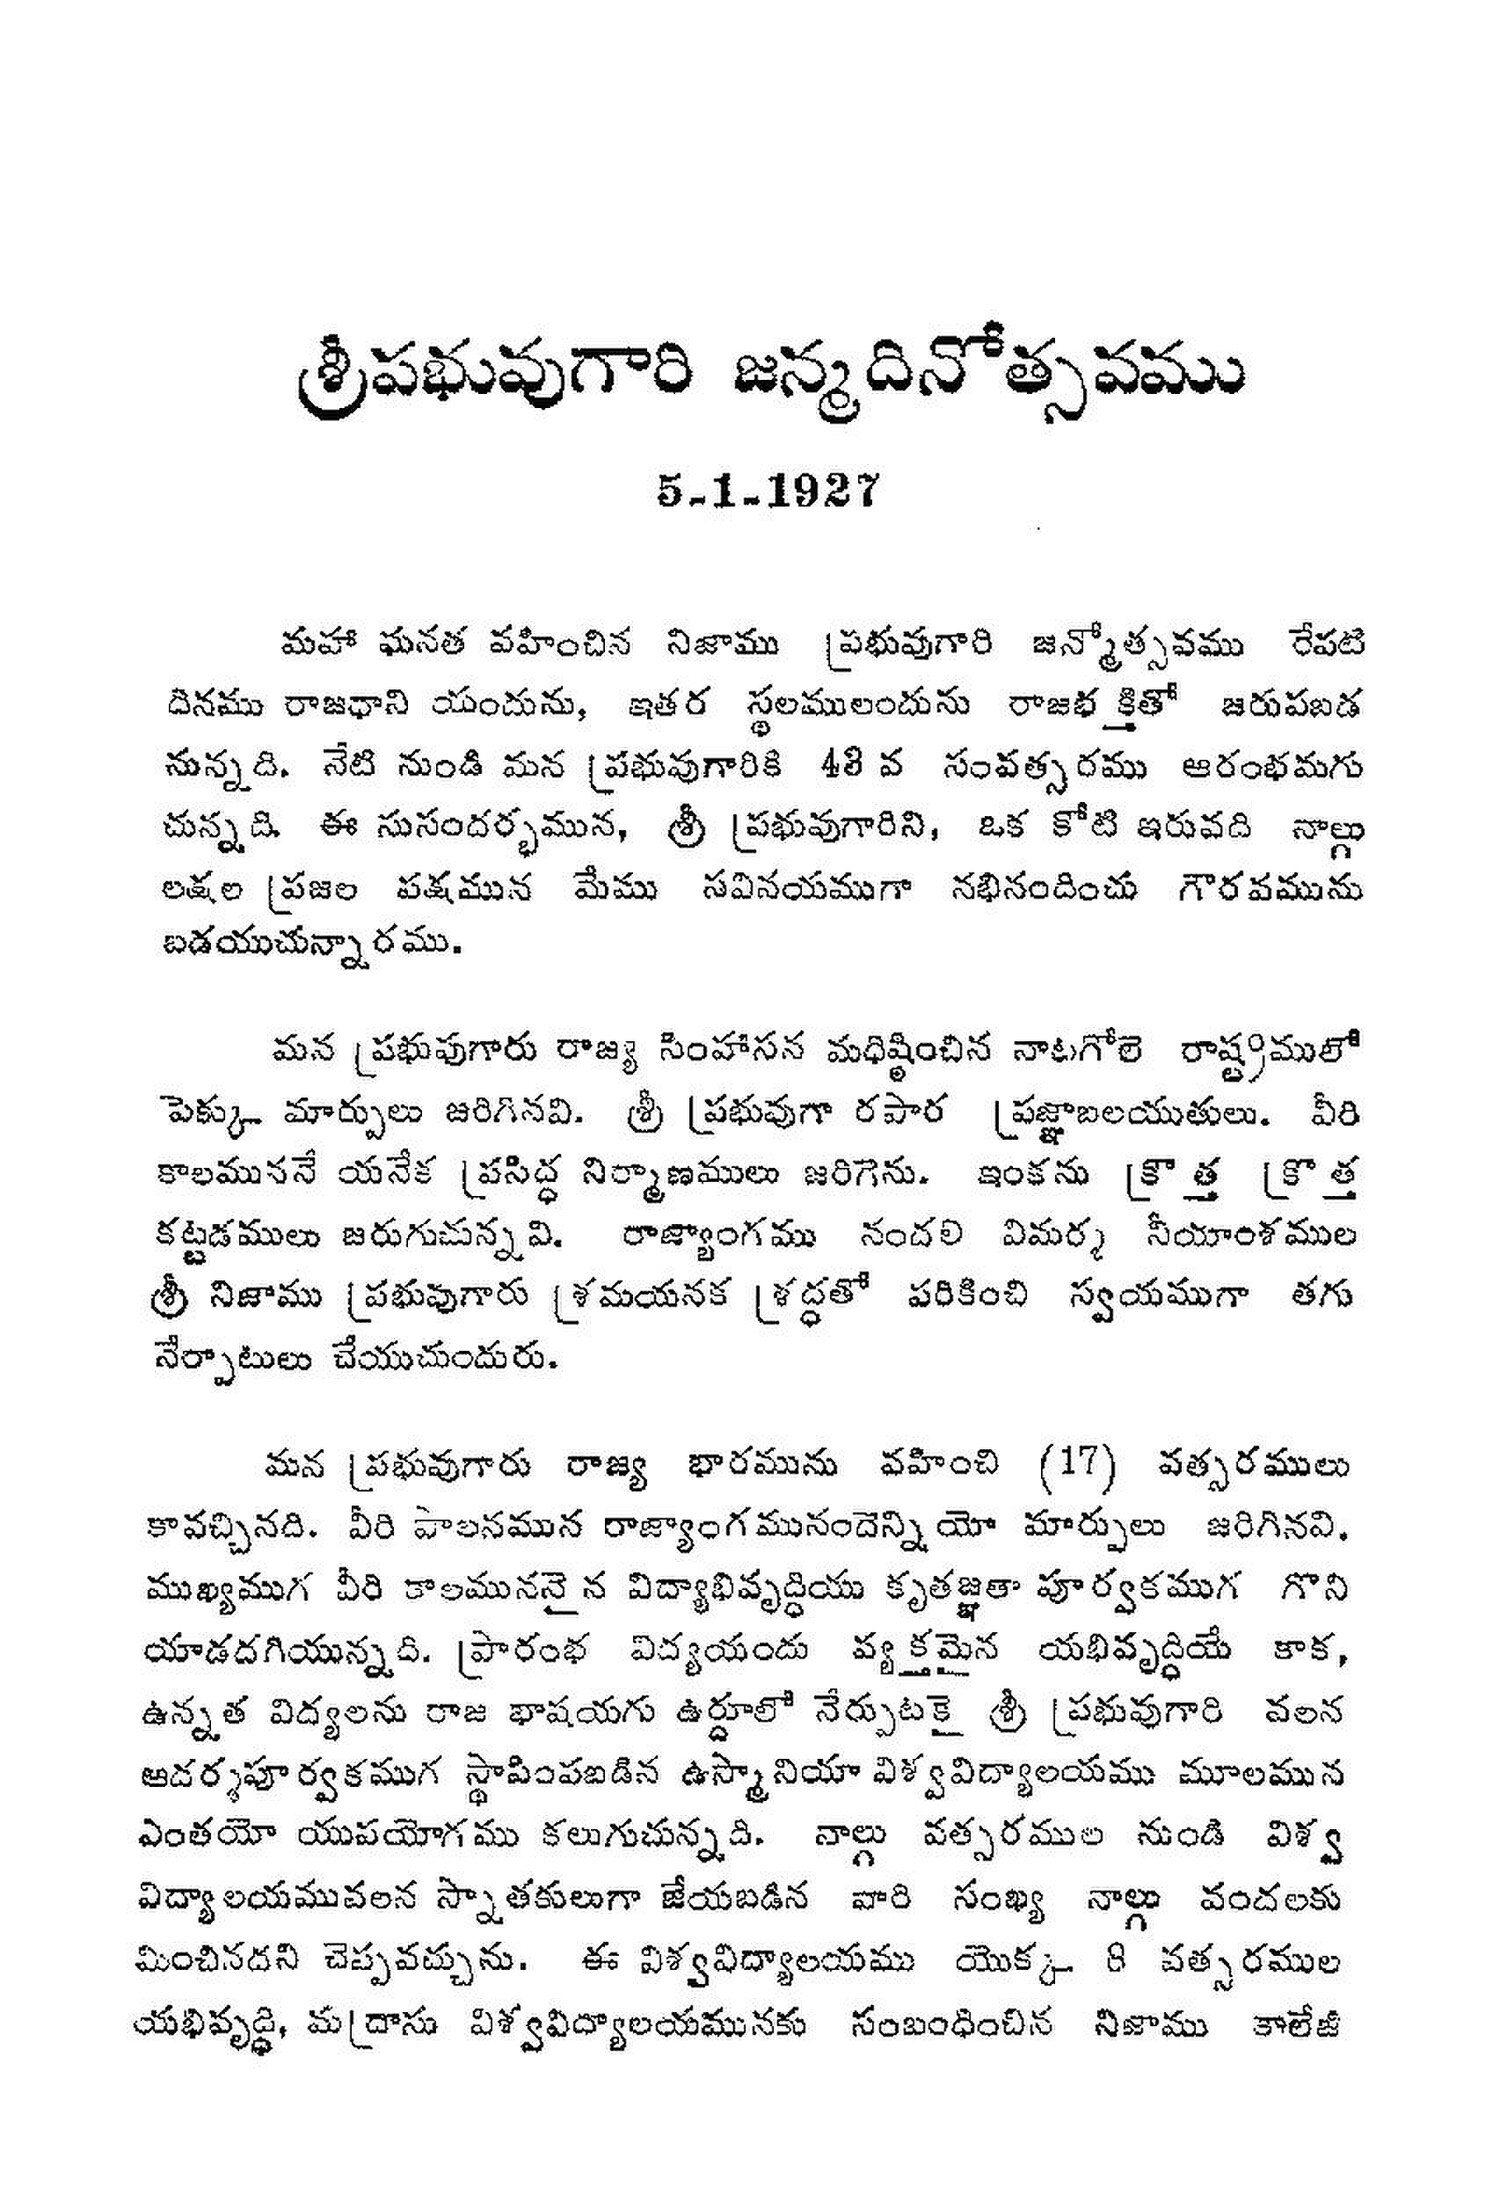శ్రీప్రభువుగారి జన్మదినోత్సవము

5-1-1927

మహా ఘనత వహించిన నిజాము ప్రభువుగారి జన్మోత్సవము రేపటిదినము రాజధాని యందును, ఇతర స్థలములందును రాజభక్తితో జరుపబడ నున్నది. నేటి నుండి మన ప్రభువుగారికి 43 వ సంవత్సరము ఆరంభమగు
చున్నది. ఈ సుసందర్భమున, శ్రీ ప్రభువుగారిని, ఒక కోటి ఇరువది నాల్గు లక్షల ప్రజల పక్షమున మేము సవినయముగా నభినందించు గౌరవమును బడయుచున్నారము.

మన ప్రభువుగారు రాజ్య సింహాసన మధిష్ఠించిన నాటగోలె రాష్ట్రములో పెక్కు మార్పులు జరిగినవి. శ్రీ ప్రభువుగా రపార ప్రజ్ఞాబలయుతులు. వీరి కాలముననే యనేక ప్రసిద్ధ నిర్మాణములు జరిగెను. ఇంకను క్రొత్త క్రొత్త కట్టడములు జరుగుచున్నవి. రాజ్యాంగము నందలి విమర్శ నీయాంశముల శ్రీ నిజాము ప్రభువుగారు శ్రమయనక శ్రద్ధతో పరికించి స్వయముగా తగు నేర్పాటులు చేయుచుందురు.

మన ప్రభువుగారు రాజ్య భారమును వహించి (17) వత్సరములు కావచ్చినది. వీరి పాలనమున రాజ్యాంగమునందెన్నియో మార్పులు జరిగినవి. ముఖ్యముగ వీరి కాలముననైన విద్యాభివృద్ధియు కృతజ్ఞతా పూర్వకముగ గొనియాడదగియున్నది. ప్రారంభ విద్యయందు వ్యక్తమైన యభివృద్ధియే కాక, ఉన్నత విద్యలను రాజ భాషయగు ఉర్దూలో నేర్పుటకై శ్రీ ప్రభువుగారి వలన ఆదర్శపూర్వకముగ స్థాపింపబడిన ఉస్మానియా విశ్వవిద్యాలయము మూలమున ఎంతయో యుపయోగము కలుగుచున్నది. నాల్గు వత్సరముల నుండి విశ్వవిద్యాలయమువలన స్నాతకులుగా జేయబడిన వారి సంఖ్య నాల్గు వందలకు మించినదని చెప్పవచ్చును. ఈ విశ్వవిద్యాలయము యొక్క 8 వత్సరముల యభివృద్ధి, మద్రాసు విశ్వవిద్యాలయమునకు సంబంధించిన నిజాము కాలేజి